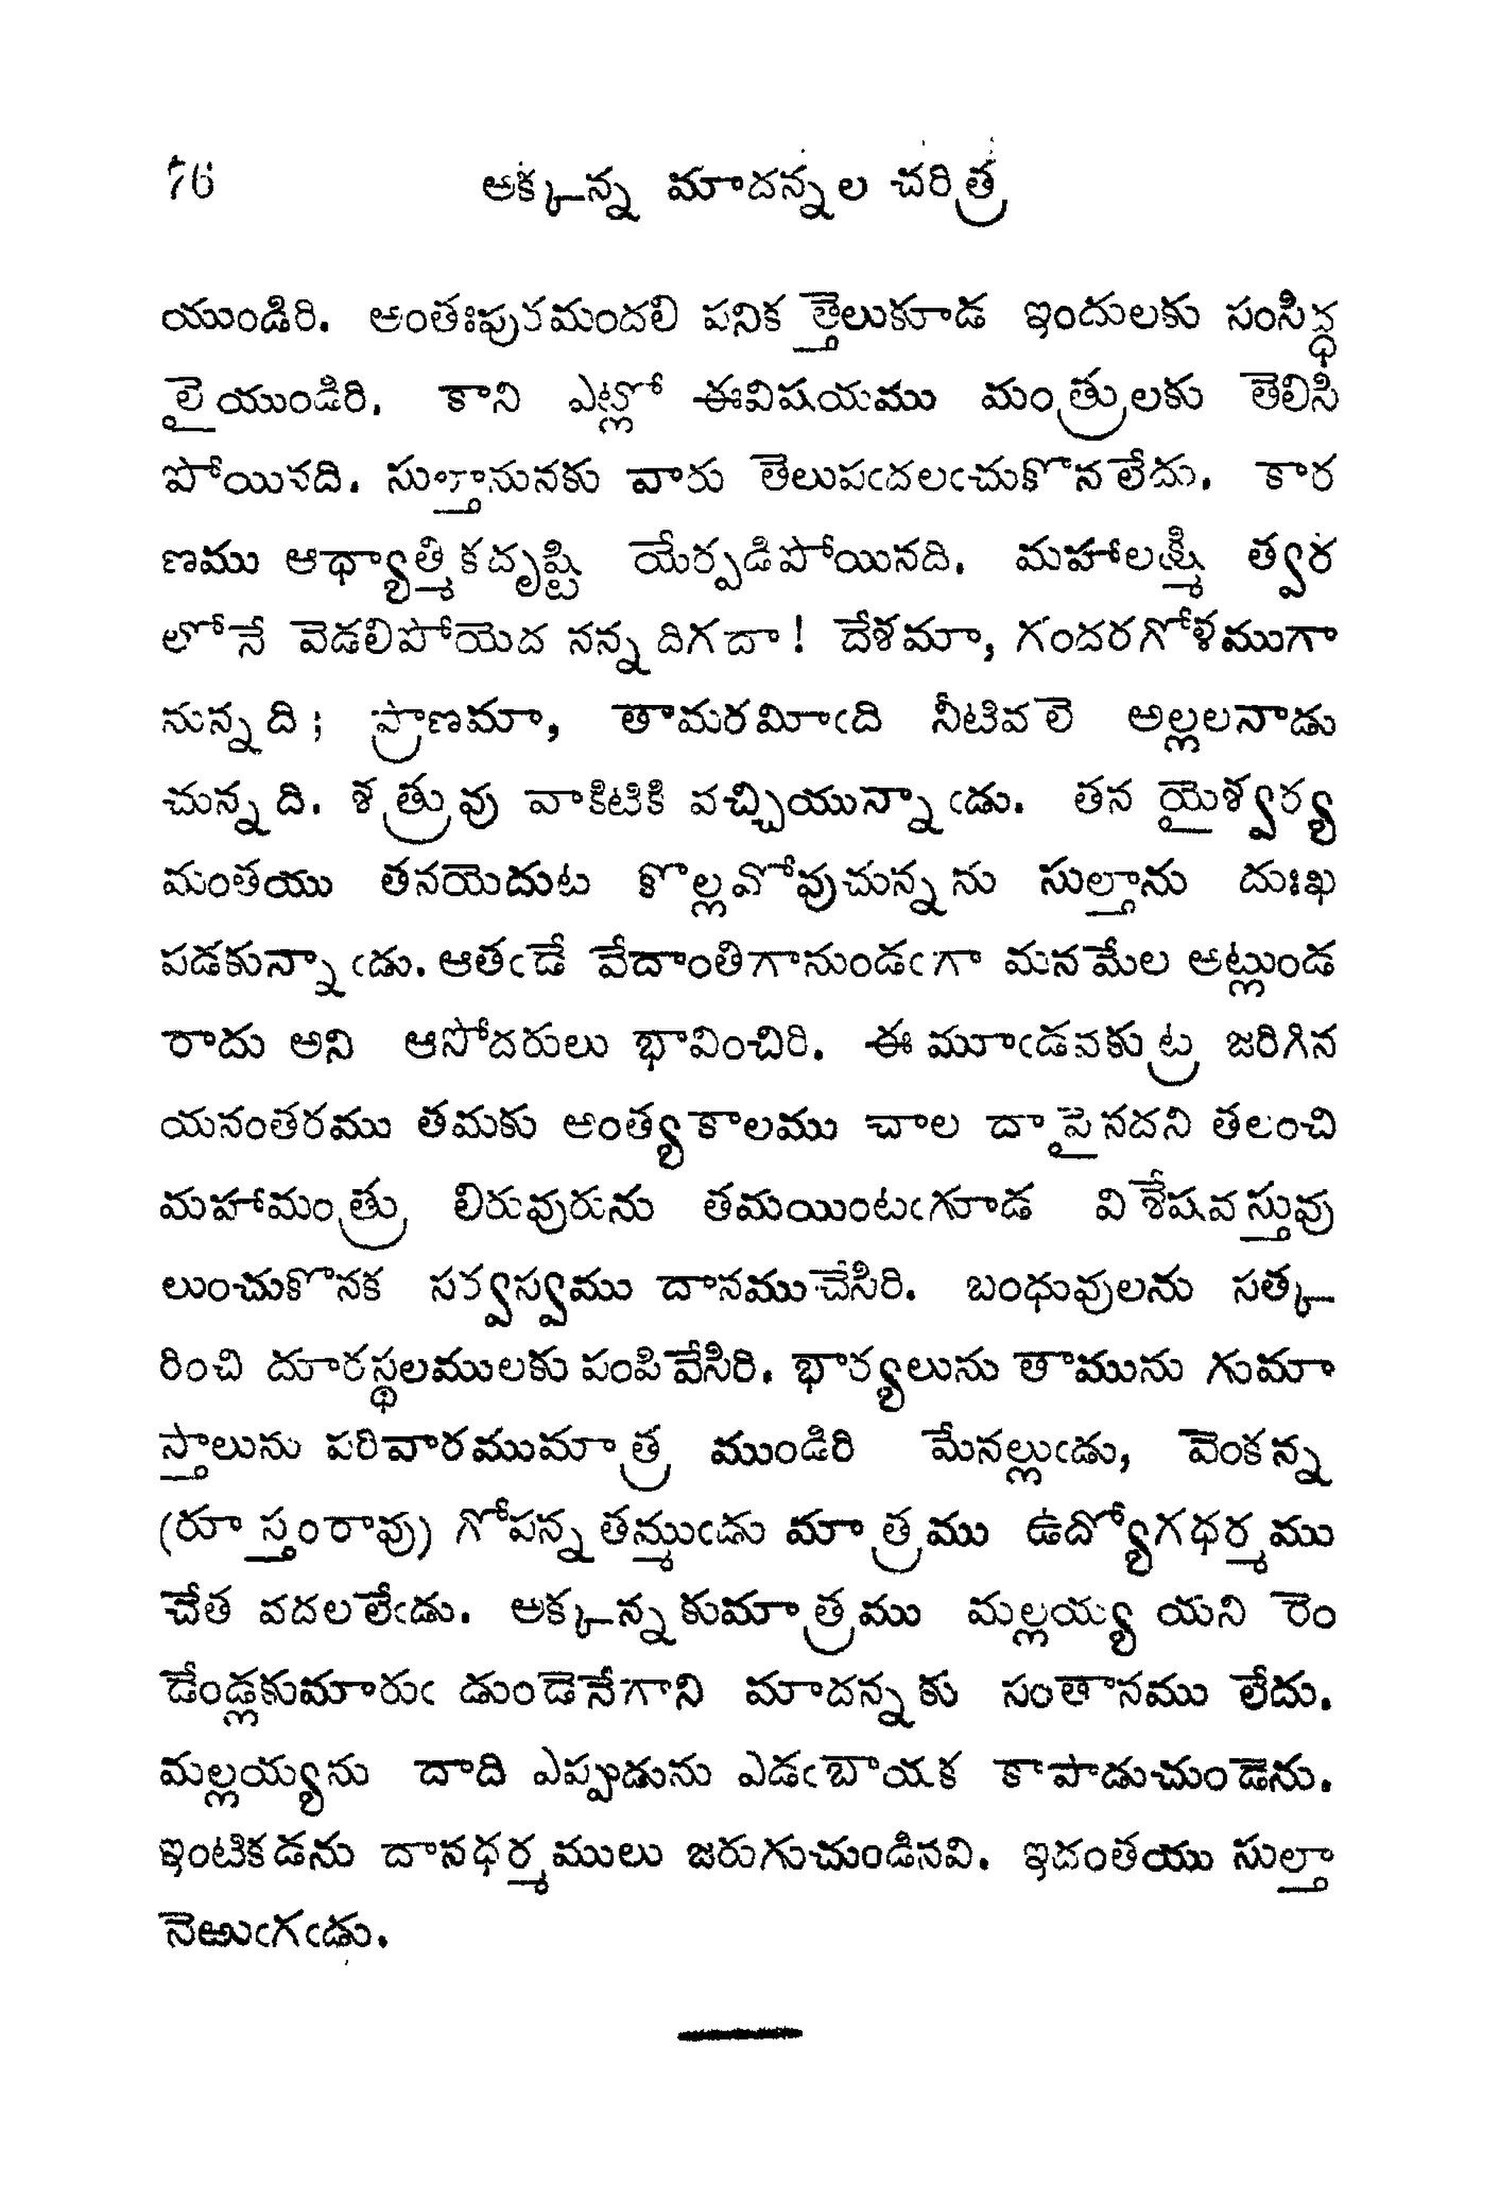యుండిరి. అంతఃపురమందలి పనికత్తెలుకూడ ఇందులకు సంసిద్ధలైయుండిరి. కాని ఎట్లో ఈవిషయము మంత్రులకు తెలిసి పోయినది. సుల్తానునకు వారు తెలుపఁదలఁచుకొనలేదు. కారణము ఆధ్యాత్మికదృష్టి యేర్పడిపోయినది. మహాలక్ష్మి త్వరలోనే వెడలిపోయెద నన్నదిగదా! దేశమా, గందరగోళముగా నున్నది; ప్రాణమా, తామరమీఁది నీటివలె అల్లలనాడు చున్నది. శత్రువు వాకిటికి వచ్చియున్నాఁడు. తన యైశ్వర్య మంతయు తనయెదుట కొల్లవోవుచున్నను సుల్తాను దుఃఖ పడకున్నాఁడు. ఆతఁడే వేదాంతిగానుండఁగా మనమేల అట్లుండ రాదు అని ఆసోదరులు భావించిరి. ఈ మూఁడవకుట్ర జరిగిన యనంతరము తమకు అంత్యకాలము చాల దాపైనదని తలంచి మహామంత్రు లిరువురును తమయింటఁగూడ విశేషవస్తువు లుంచుకొనక సర్వస్వము దానముచేసిరి. బంధువులను సత్కరించి దూరస్థలములకు పంపివేసిరి. భార్యలును తామును గుమాస్తాలును పరివారముమాత్ర ముండిరి. మేనల్లుఁడు, వెంకన్న (రూస్తంరావు) గోపన్నతమ్ముఁడు మాత్రము ఉద్యోగధర్మము చేత వదలలేఁడు. అక్కన్నకుమాత్రము మల్లయ్య యని రెండేండ్లకుమారుఁ డుండెనేగాని మాదన్నకు సంతానము లేదు. మల్లయ్యను దాది ఎప్పుడును ఎడఁబాయక కాపాడుచుండెను. ఇంటికడను దానధర్మములు జరుగుచుండినవి. ఇదంతయు సుల్తానెఱుఁగఁడు.